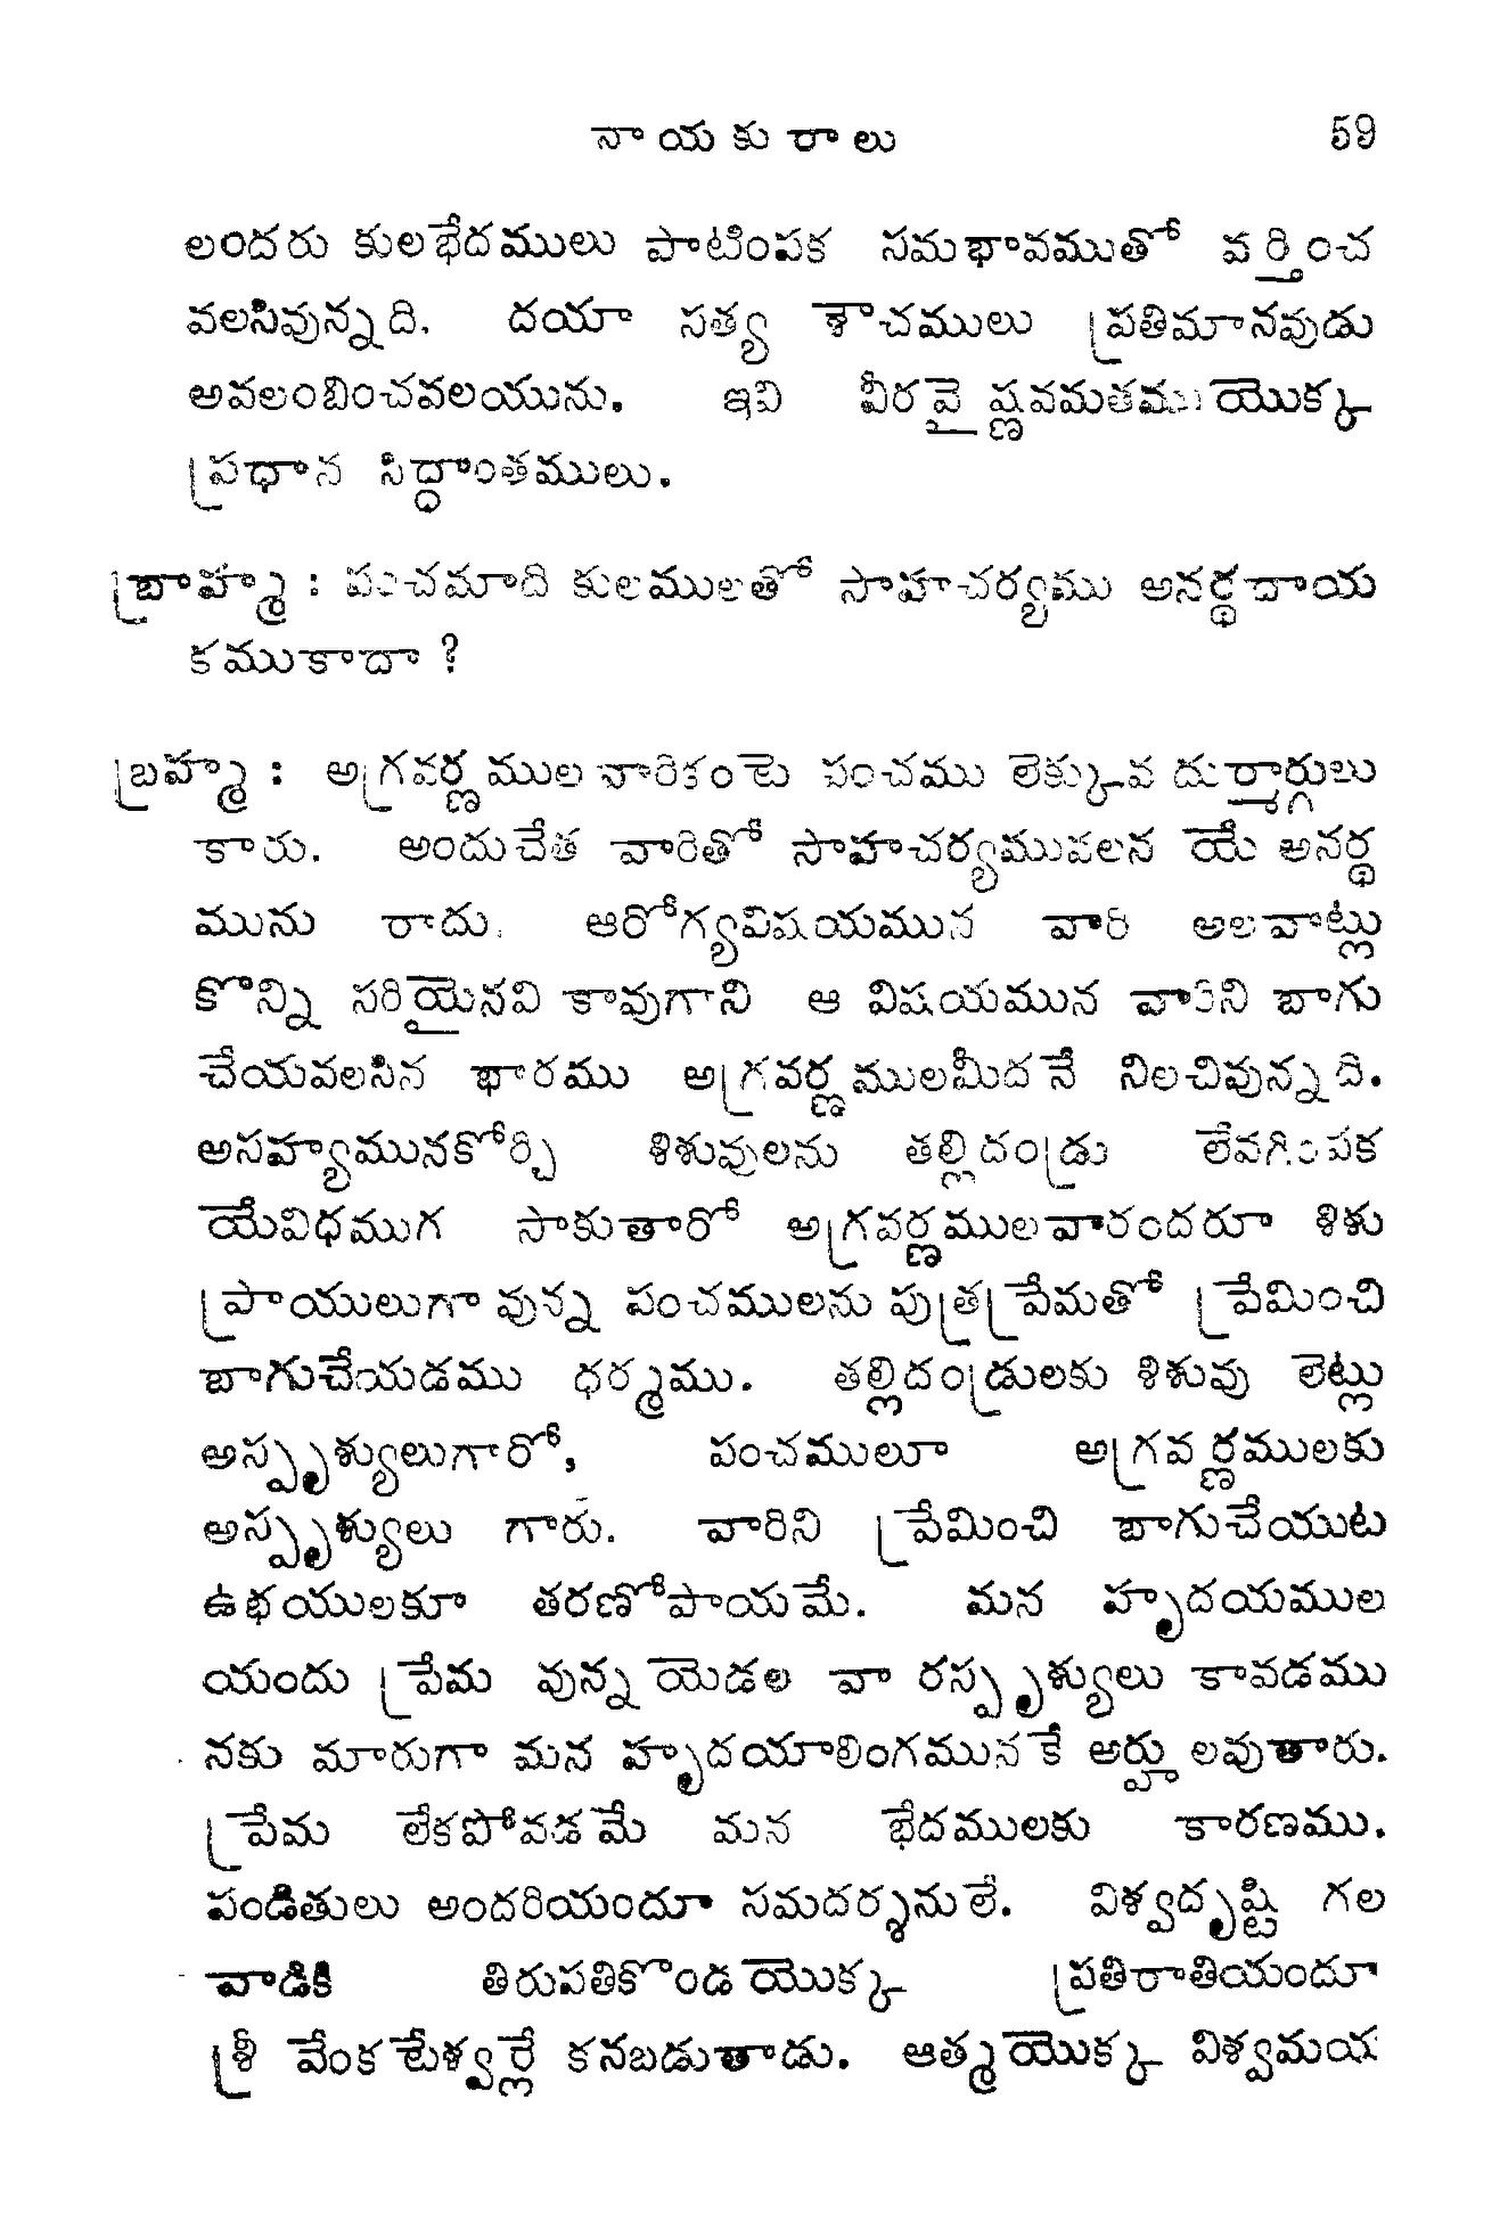లందరు కులభేదములు పాటింపక సమభావముతో వర్తించవలసివున్నది. దయా సత్య శౌచములు ప్రతిమానవుడు అవలంబించవలయును. ఇవి వీరవైష్ణవమతముయొక్క ప్రధాన సిద్ధాంతములు.

బ్రాహ్మ : పంచమాది కులములతో సాహచర్యము అనర్థదాయకము కాదా?

బ్రహ్మ : అగ్రవర్ణముల వారికంటె పంచము లెక్కువ దుర్మార్గులు కారు. అందుచేత వారితో సాహచర్యమువలన యే అనర్థమును రాదు. ఆరోగ్యవిషయమున వారి అలవాట్లు కొన్ని సరియైనవి కావుగాని ఆ విషయమున వారిని బాగుచేయవలసిన భారము అగ్రవర్ణములమీదనే నిలచివున్నది.
అసహ్యమునకోర్చి శిశువులను తల్లిదండ్రు లేవగింపక యేవిధముగ సాకుతారో అగ్రవర్ణముల వారందరూ శిశు ప్రాయులుగా వున్న పంచములను పుత్రప్రేమతో ప్రేమించి బాగుచేయడము ధర్మము. తల్లిదండ్రులకు శిశువు లెట్లు అస్పృశ్యులుగారో, పంచములూ అగ్రవర్ణములకు అస్పృశ్యులు గారు. వారిని ప్రేమించి బాగుచేయుట ఉభయులకూ తరణోపాయమే. మన హృదయముల యందు ప్రేమ వున్న యెడల వా రస్పృశ్యులు కావడమునకు మారుగా మన హృదయాలింగమునకే అర్హు లవుతారు.
ప్రేమ లేకపోవడమే మన భేదములకు కారణము. పండితులు అందరియందూ సమదర్శనులే. విశ్వదృష్టి గల వాడికి తిరుపతికొండయొక్క ప్రతిరాతియందూ శ్రీ వేంకటేశ్వర్లే కనబడుతాడు. ఆత్మయొక్క విశ్వమయ